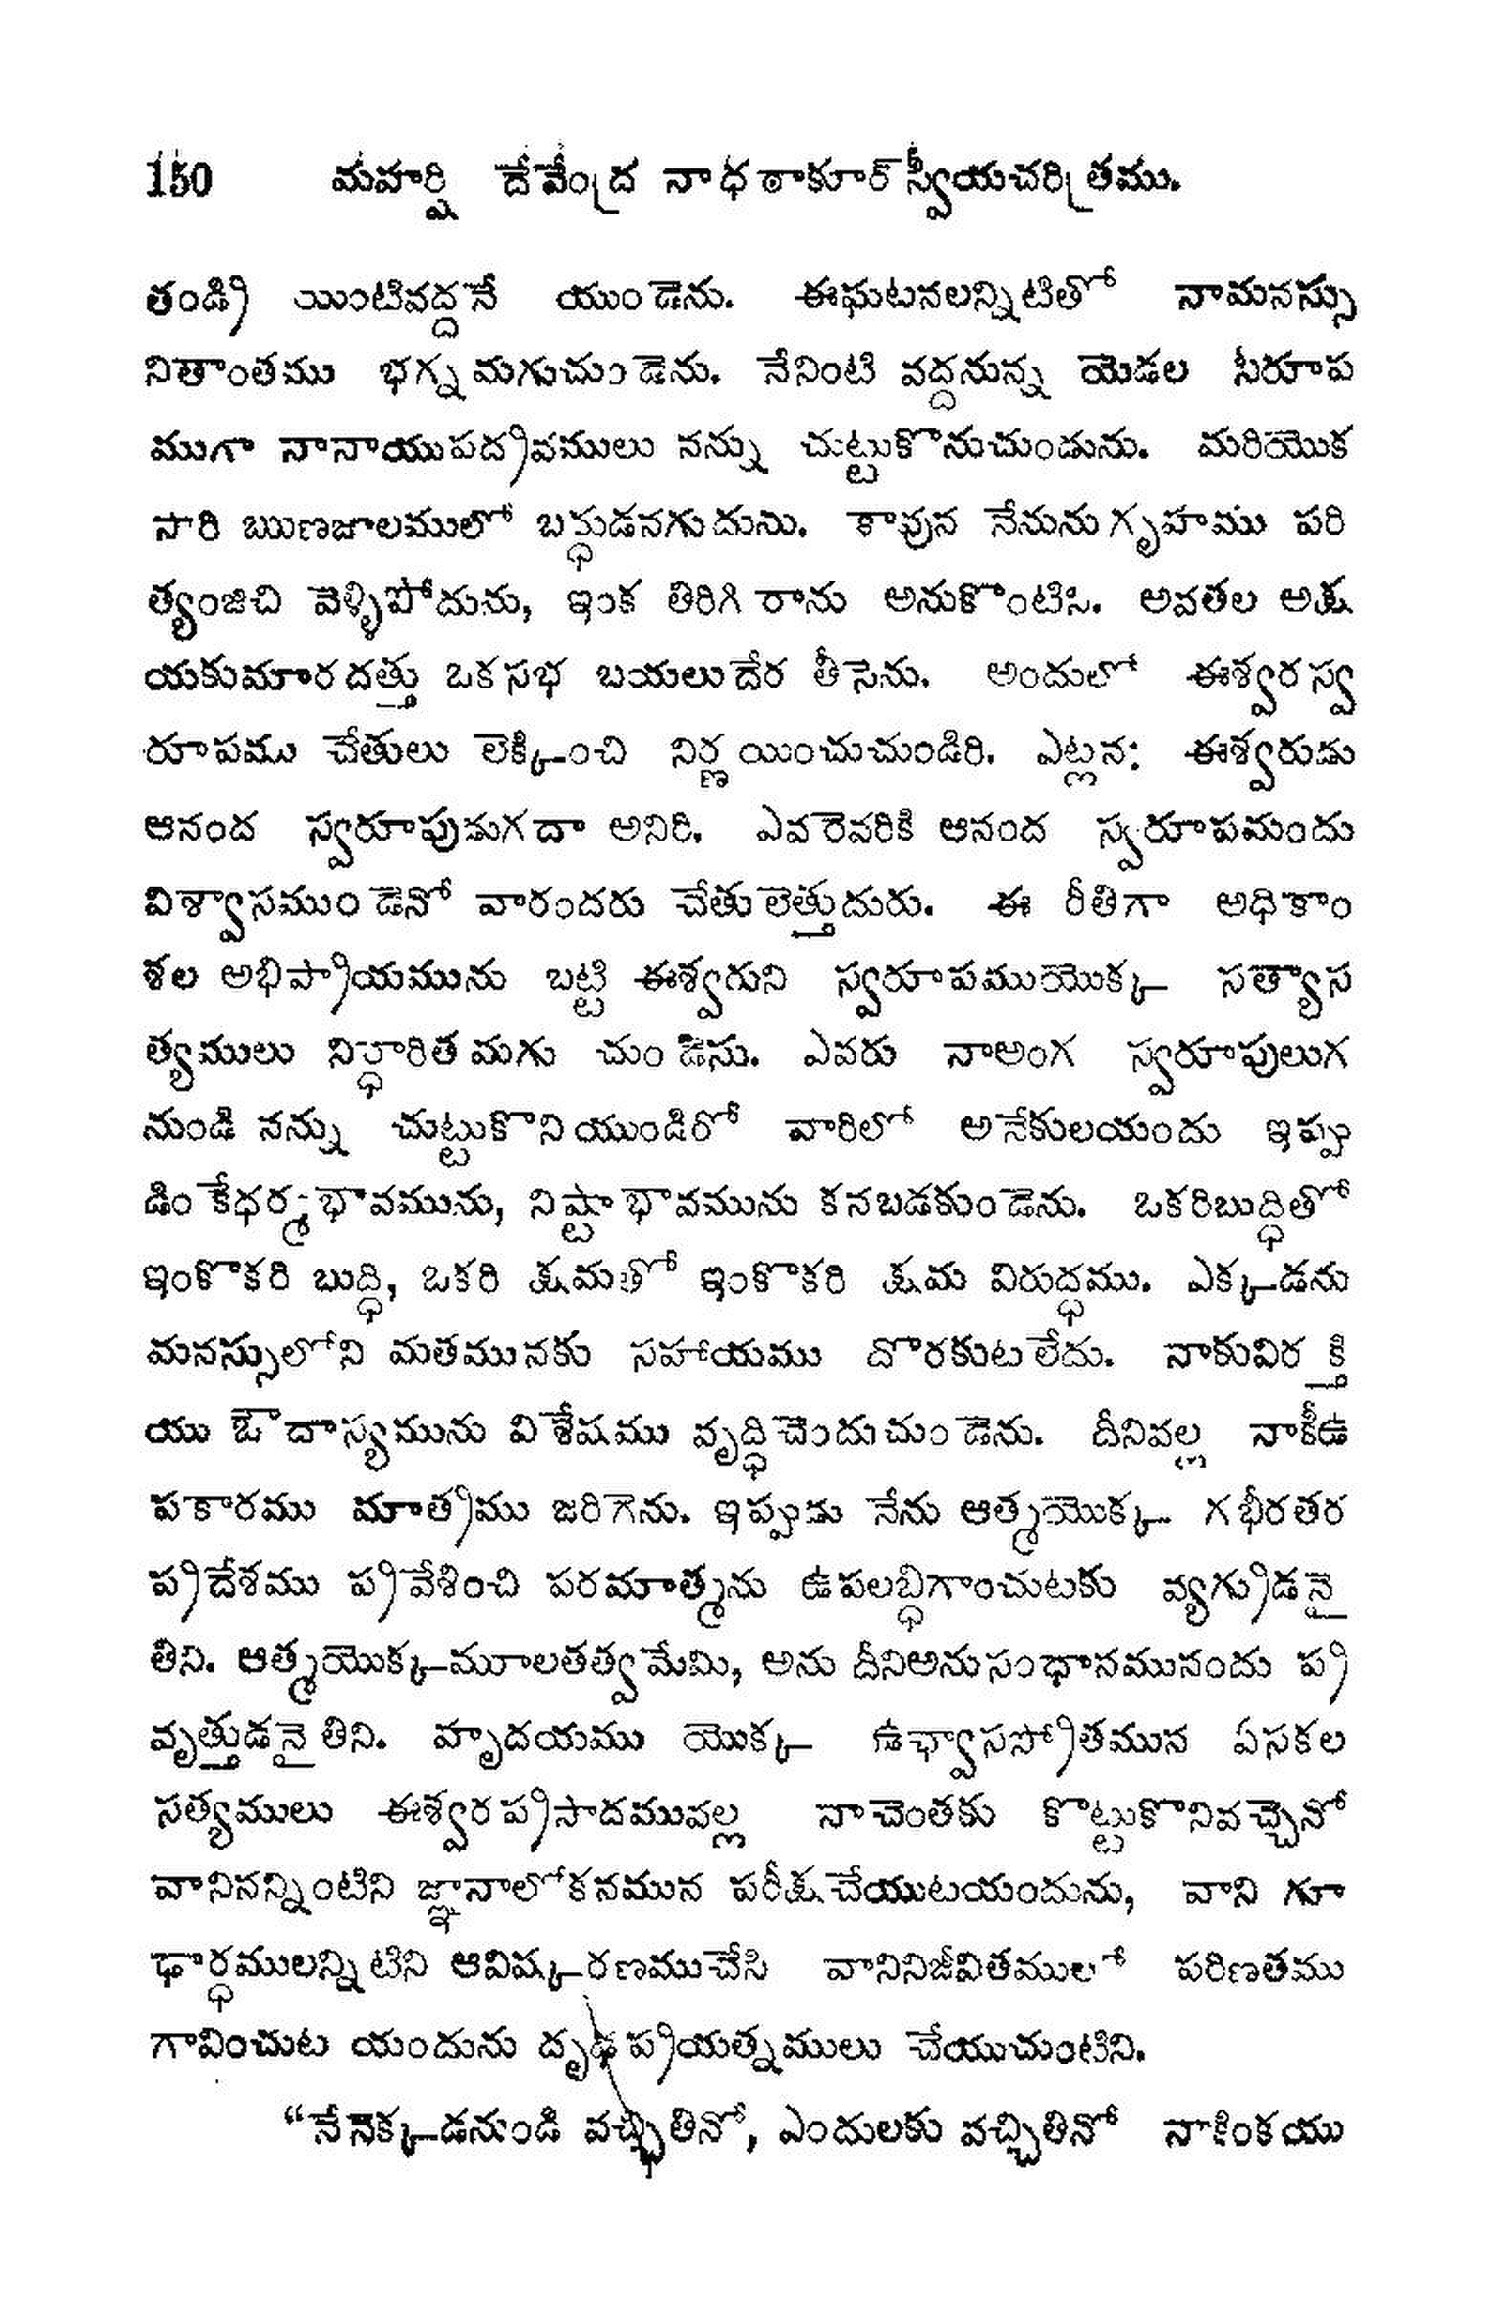తండ్రి యింటివద్దనే యుండెను. ఈఘటనలన్నిటితో నామనస్సు
నితాంతము భగ్నమగు చుండెను. నేనింటి వద్దనున్న యెడల సీరూప
ముగా నానాయు ప్రదవములు నన్ను చుట్టు కొనుచుండును. మరియొక
సారి ఋణజాలములో బద్ధుడనగుదును. కావున నేనును గృహము పరి
త్యంజిచి వెళ్ళిపోదును, ఇంక తిరిగి రాను అనుకొంటిసి. అవతల అక్ష
యకుమారదత్తు ఒక సభ బయలు దేర తీసెను. అందులో ఈశ్వర స్వ
రూపము చేతులు లెక్కించి నిర్ణ యించుచుండిరి. ఎట్లన: ఈశ్వరుడు
ఆనంద స్వరూపుడుగదా అనిరి. ఎవరెవరికి ఆనంద స్వరూపమందు
విశ్వాసముండెనో వారందరు చేతు లెత్తుదురు. ఈ రీతిగా అధికాం
శల అభిప్రాయమును బట్టి ఈశ్వరుని స్వరూపముయొక్క సత్యాస
త్యములు నిర్ధారిత మగు చుండెను. ఎవరు నాఅంగ స్వరూపులుగ
నుండి నన్ను చుట్టుకొని యుండిరో వారిలో అనేకుల యందు ఇప్పు
డిం కేధర్మ భావమును, నిష్టా భావమును కనబడకుండెను. ఒకరిబుద్ధితో
ఇంకొకరి బుద్ధి, ఒకరి క్షమ, ఇంకొకరి క్షమ విరుద్ధము. ఎక్కడను
మనస్సులోని మతమునకు సహాయము దొరకుట లేదు. నాకువిరక్తియు !
ఔదాస్యమును విశేషమువృద్ధి చెందుచుండెను. దీనివల్ల నాకీఈ
ప్రకారము మాతము జరిగెను. ఇప్పుడు నేను ఆత్మ యొక్క గభీర తర
ప్రదేశము ప్రవేశించి పరమాత్మను ఉపలబ్ధిగాంచుటకు వ్యగ్రుడనై
తిని. ఆత్మ యొక్క మూలతత్వ మేమి, అను దీని అనుసంధానము
నందు ప్రవృత్తుడనైతి హృదయము యొక్క ఉఛ్వాససోతమున ఏసకల
సర్యములు ఈశ్వర ప్రసాదమువల్ల నా చెంతకు కొట్టుకొనివచ్చిన
వానినన్నింటిని జ్ఞానాలోకనమున పరీక్ష చేయుటయందును, వాని గూ
ఢార్ధములన్నిటిని ఆవిష్కరణముచేసి వానినిజీవితముల పరిణతము
గావించుట యందును దృఢ ప్రయత్నములు చేయుచుంటికిని,
“నేనెక్కడనుండి వచ్చితినో, ఎందులకు వచ్చితినో నాకింకయు